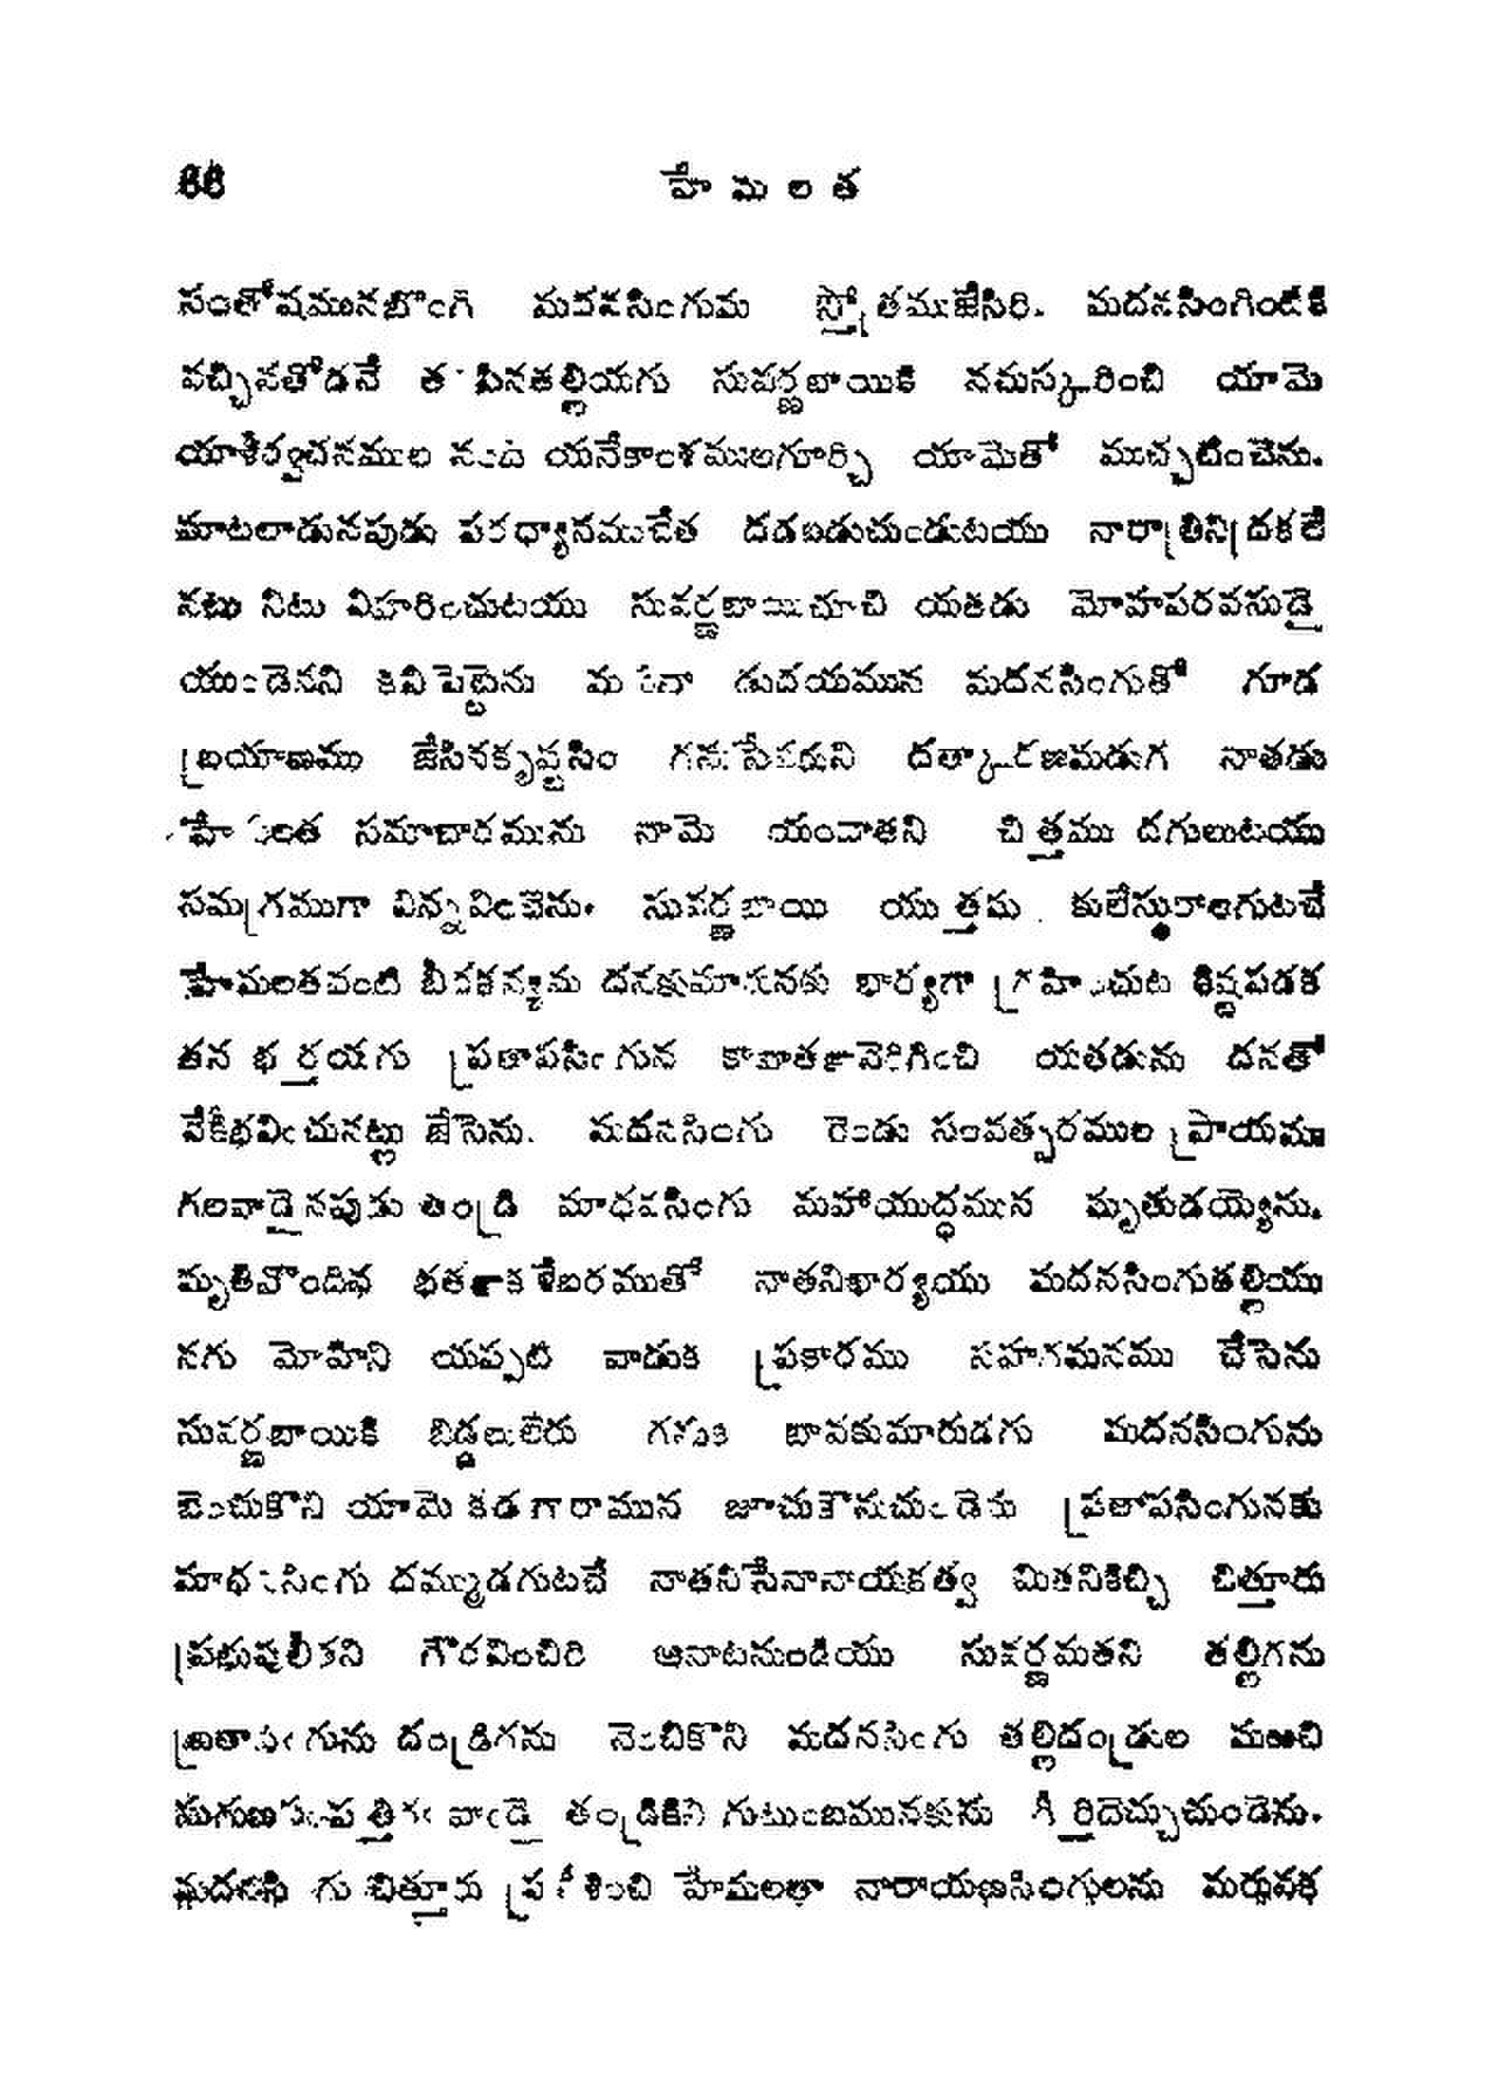సంతోషమునబొంగి మదనసింగును స్తోత్రముజేసిరి. మదనసింగింటికి వచ్చినతోడనే తనపినతల్లియగు సువర్ణబాయికి నమస్కరించి యామె యాశీర్వచనముల నంది యనేకాంశములగూర్చి యామెతో ముచ్చటించెను. మాటలాడునపుడు పరధ్యానముచేత దడబడుచుండుటయు నారాత్రినిద్రలేక నటు నిటు విహరించుటయు సువర్ణబాయిచూచి యతడు మోహపరవసుడై యుండెనని కనిపెట్టెను. మరునా డుదయమున మదనసింగుతో గూడ బ్రయాణము జేసినకృష్ణసిం గనుసేవకుని దత్కారణమడుగ నాతడు హేమలత సమాచారమును నామె యందాతని చిత్తము దగులుటయు సమగ్రముగా విన్నవించెను. సువర్ణబాయి యుత్తమ కులేస్థురాలగుటచే హేమలతవంటి బీదకన్యను దనకుమారునకు భార్యగా గ్రహించుట కిష్టపడక తనభర్తయగు ప్రతాపసింగున కావార్తనెరిగించి యతడు దనతో నేకీభవించునట్లు జేసెను. మదనసింగు రెండు సంవత్సరముల ప్రాయము గలవాడైనపుడు తండ్రి మాధవసింగు మహాయుద్ధమున మృతుడయ్యెను. మృతినొందిన భర్తకళేబరముతో నాతనిభార్యయు మదనసింగుతల్లియు నగు మోహిని యప్పటి వాడుక ప్రకారము సహగమనము చేసెను. సువర్ణబాయికి బిడ్డలులేరు గనుక బావకుమారుడగు మదనసింగును బెంచుకొని యామె కడుగారామున జూచుకొనుచుండెను. ప్రతాపసింగునకు మాధవసింగు దమ్ముడగుటచే నాతనిసేనానాయకత్వ మితనికిచ్చి చిత్తూరు ప్రభువులీతనిని గౌరవించిరి. ఆనాటనుండియు సువర్ణమతని తల్లిగను బ్రతాపసింగును దండ్రిగను నెంచికొని మదనసింగు తల్లిదండ్రుల మఱచి సుగుణసంపత్తిగలవాఁడై తండ్రికిని గుటుంబమునకును గీర్తిదెచ్చుచుండెను. మదనసింగు చిత్తూరు ప్రవేశించి హేమలతా నారాయణసింగులను మరువక